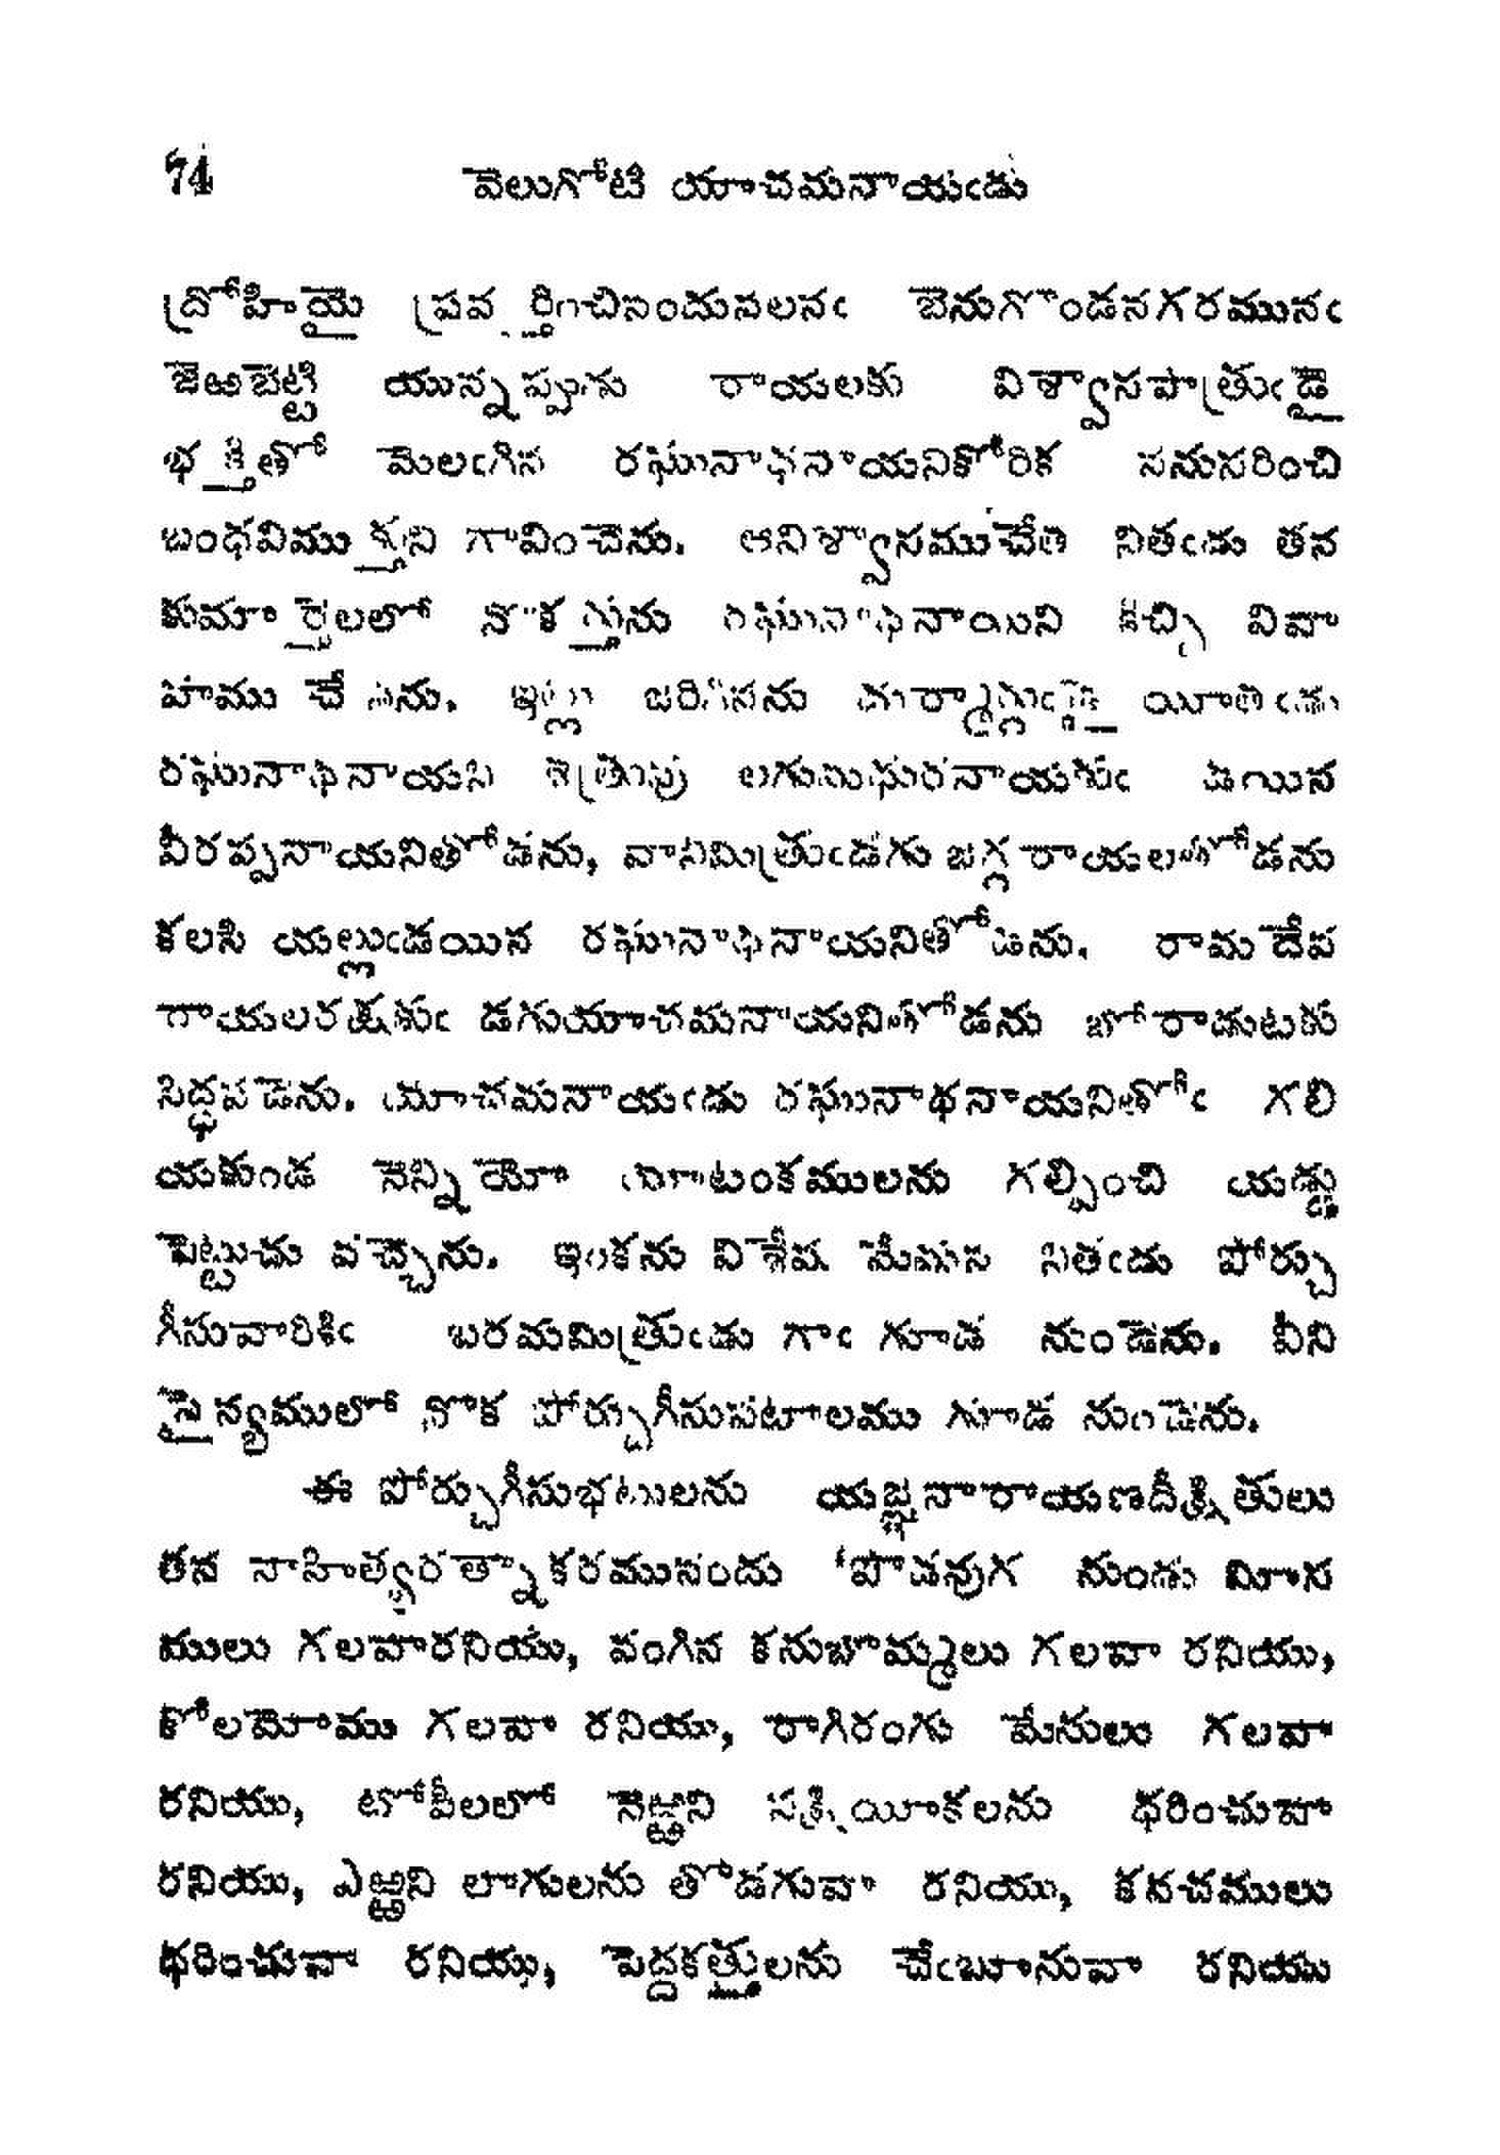ద్రోహియై ప్రవర్తించినందువలనఁ బెనుగొండనగరమునఁ జెఱబెట్టి యున్నప్పుడు రాయలకు విశ్వాసపాత్రుఁడై భక్తితో మెలఁగిన రఘునాధనాయనికోరిక ననుసరించి బంధవిముక్తుని గావించెను. ఆవిశ్వాసముచేత నితఁడు తన కుమార్తెలలో నొకర్తును రఘునాధనాయిని కిచ్చి వివాహము చేసెను. ఇట్లు జరిగినను దుర్మార్గుఁడై యీతఁడు రఘునాధనాయని శత్రువు లగుమధురనాయకుఁ డయిన వీరప్పనాయనితోడను, వానిమిత్రుఁడగు జగ్గరాయలతోడను కలసి యల్లుఁడయిన రఘునాధనాయనితోడను. రామదేవరాయల రక్షకుఁ డగుయాచమనాయనితోడను బోరాడుటకు సిద్ధపడెను. యాచమనాయఁడు రఘునాథనాయనితోఁ గలియకుండ నెన్నియో యాటంకములను గల్పించి యడ్డు పెట్టుచు వచ్చెను. ఇంకను విశేష మేమన నితఁడు పోర్చుగీసువారికిఁ బరమమిత్రుఁడు గాఁ గూడ నుండెను. వీని సైన్యములలో నొక పోర్చుగీసుపటాలము గూడ నుండెను.

ఈ పోర్చుగీసుభటులను యజ్ఞనారాయణదీక్షితులు తన సాహిత్యరత్నాకరమునందు 'పొడవుగ నుండు మీసములు గలవారనియు, వంగిన కనుబొమ్మలు గలవా రనియు, కోలమోము గలవా రనియు, రాగిరంగు మేనులు గలవా రనియు, టోపీలలో నెఱ్ఱని పక్షియీకలను ధరించువా రనియు, ఎఱ్ఱని లాగులను తొడుగువా రనియు, కవచములు ధరించువా రనియు, పెద్దకత్తులను చేఁబూనువా రనియు